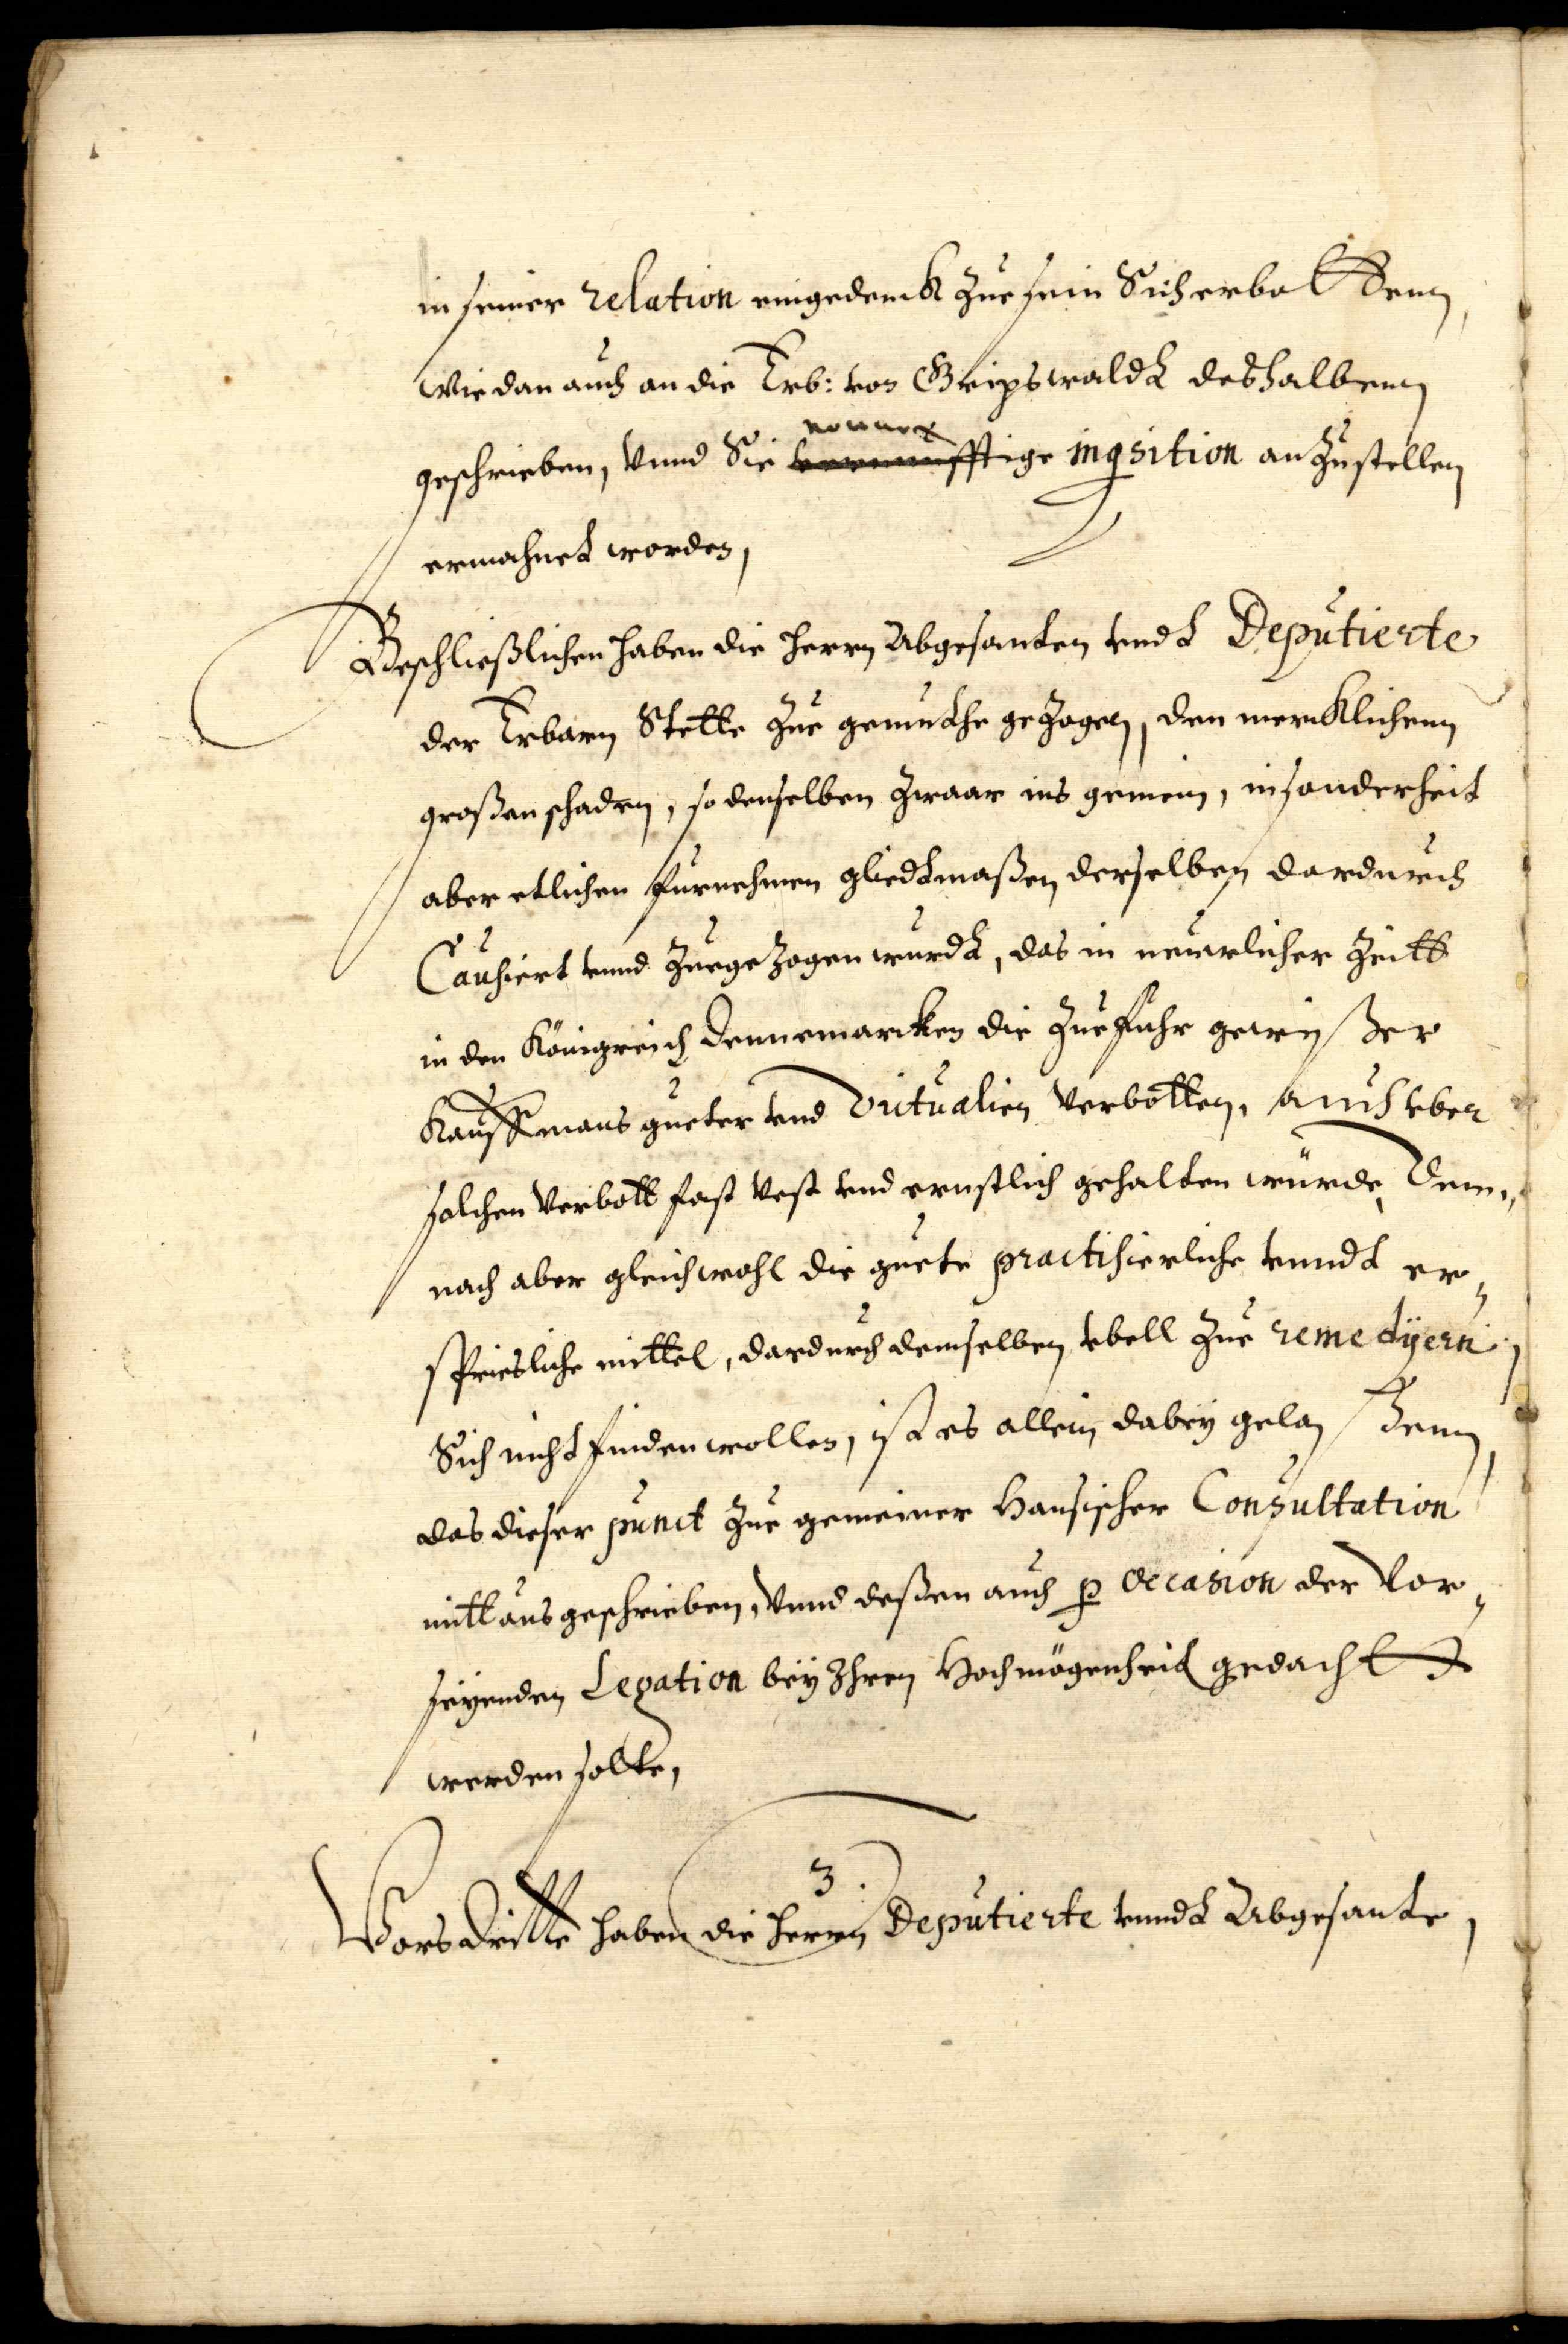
in seiner relation eingedenck zue sein Sich erbottenn
wie dan auch an die Erb: von Gripswaldt deshalbenn
notturf
geschrieben, vnnd Sie vernunfftige inqsition anzustellen
ermahnet worden,
Beschließlichen haben die herrn Abgesanten vndt Deputierte
der Erbarn Stette zue gemuthe gezogen, den mercklichen
großen schaden, so denselben zwaar ins gemein, insonderheit
aber etlichen furnehmen gliedtmaßen derselben dardurch
Causiert vnnd zuegezogen wurdt, das in neuwlicher zeitt
in den königreich dennemarcken die zuefuhr gewißer
Kauffmans gueter vnd Victualien verbotten, auch vber
solchen verbott fast vest vnd ernstlich gehalten würde, Dem¬
nach aber gleichwohl die guete practisierliche vnndt er¬
spriesliche mittel, dardurch demselben vbell zue remedijern,
Sich nicht finden wollen, ist es allein dabeij gelaßenn,
das dieser punct zue gemeiner Hansischer Consultation
mitt aus geschrieben, vnnd deßen auch per Occasion aber Vor¬
seijenden Legation beij Ihren Hochmögenheit gedachtt
werden solte,
3.
Vors dritte haben die herrn Deputierte vnndt Abgesandte,
